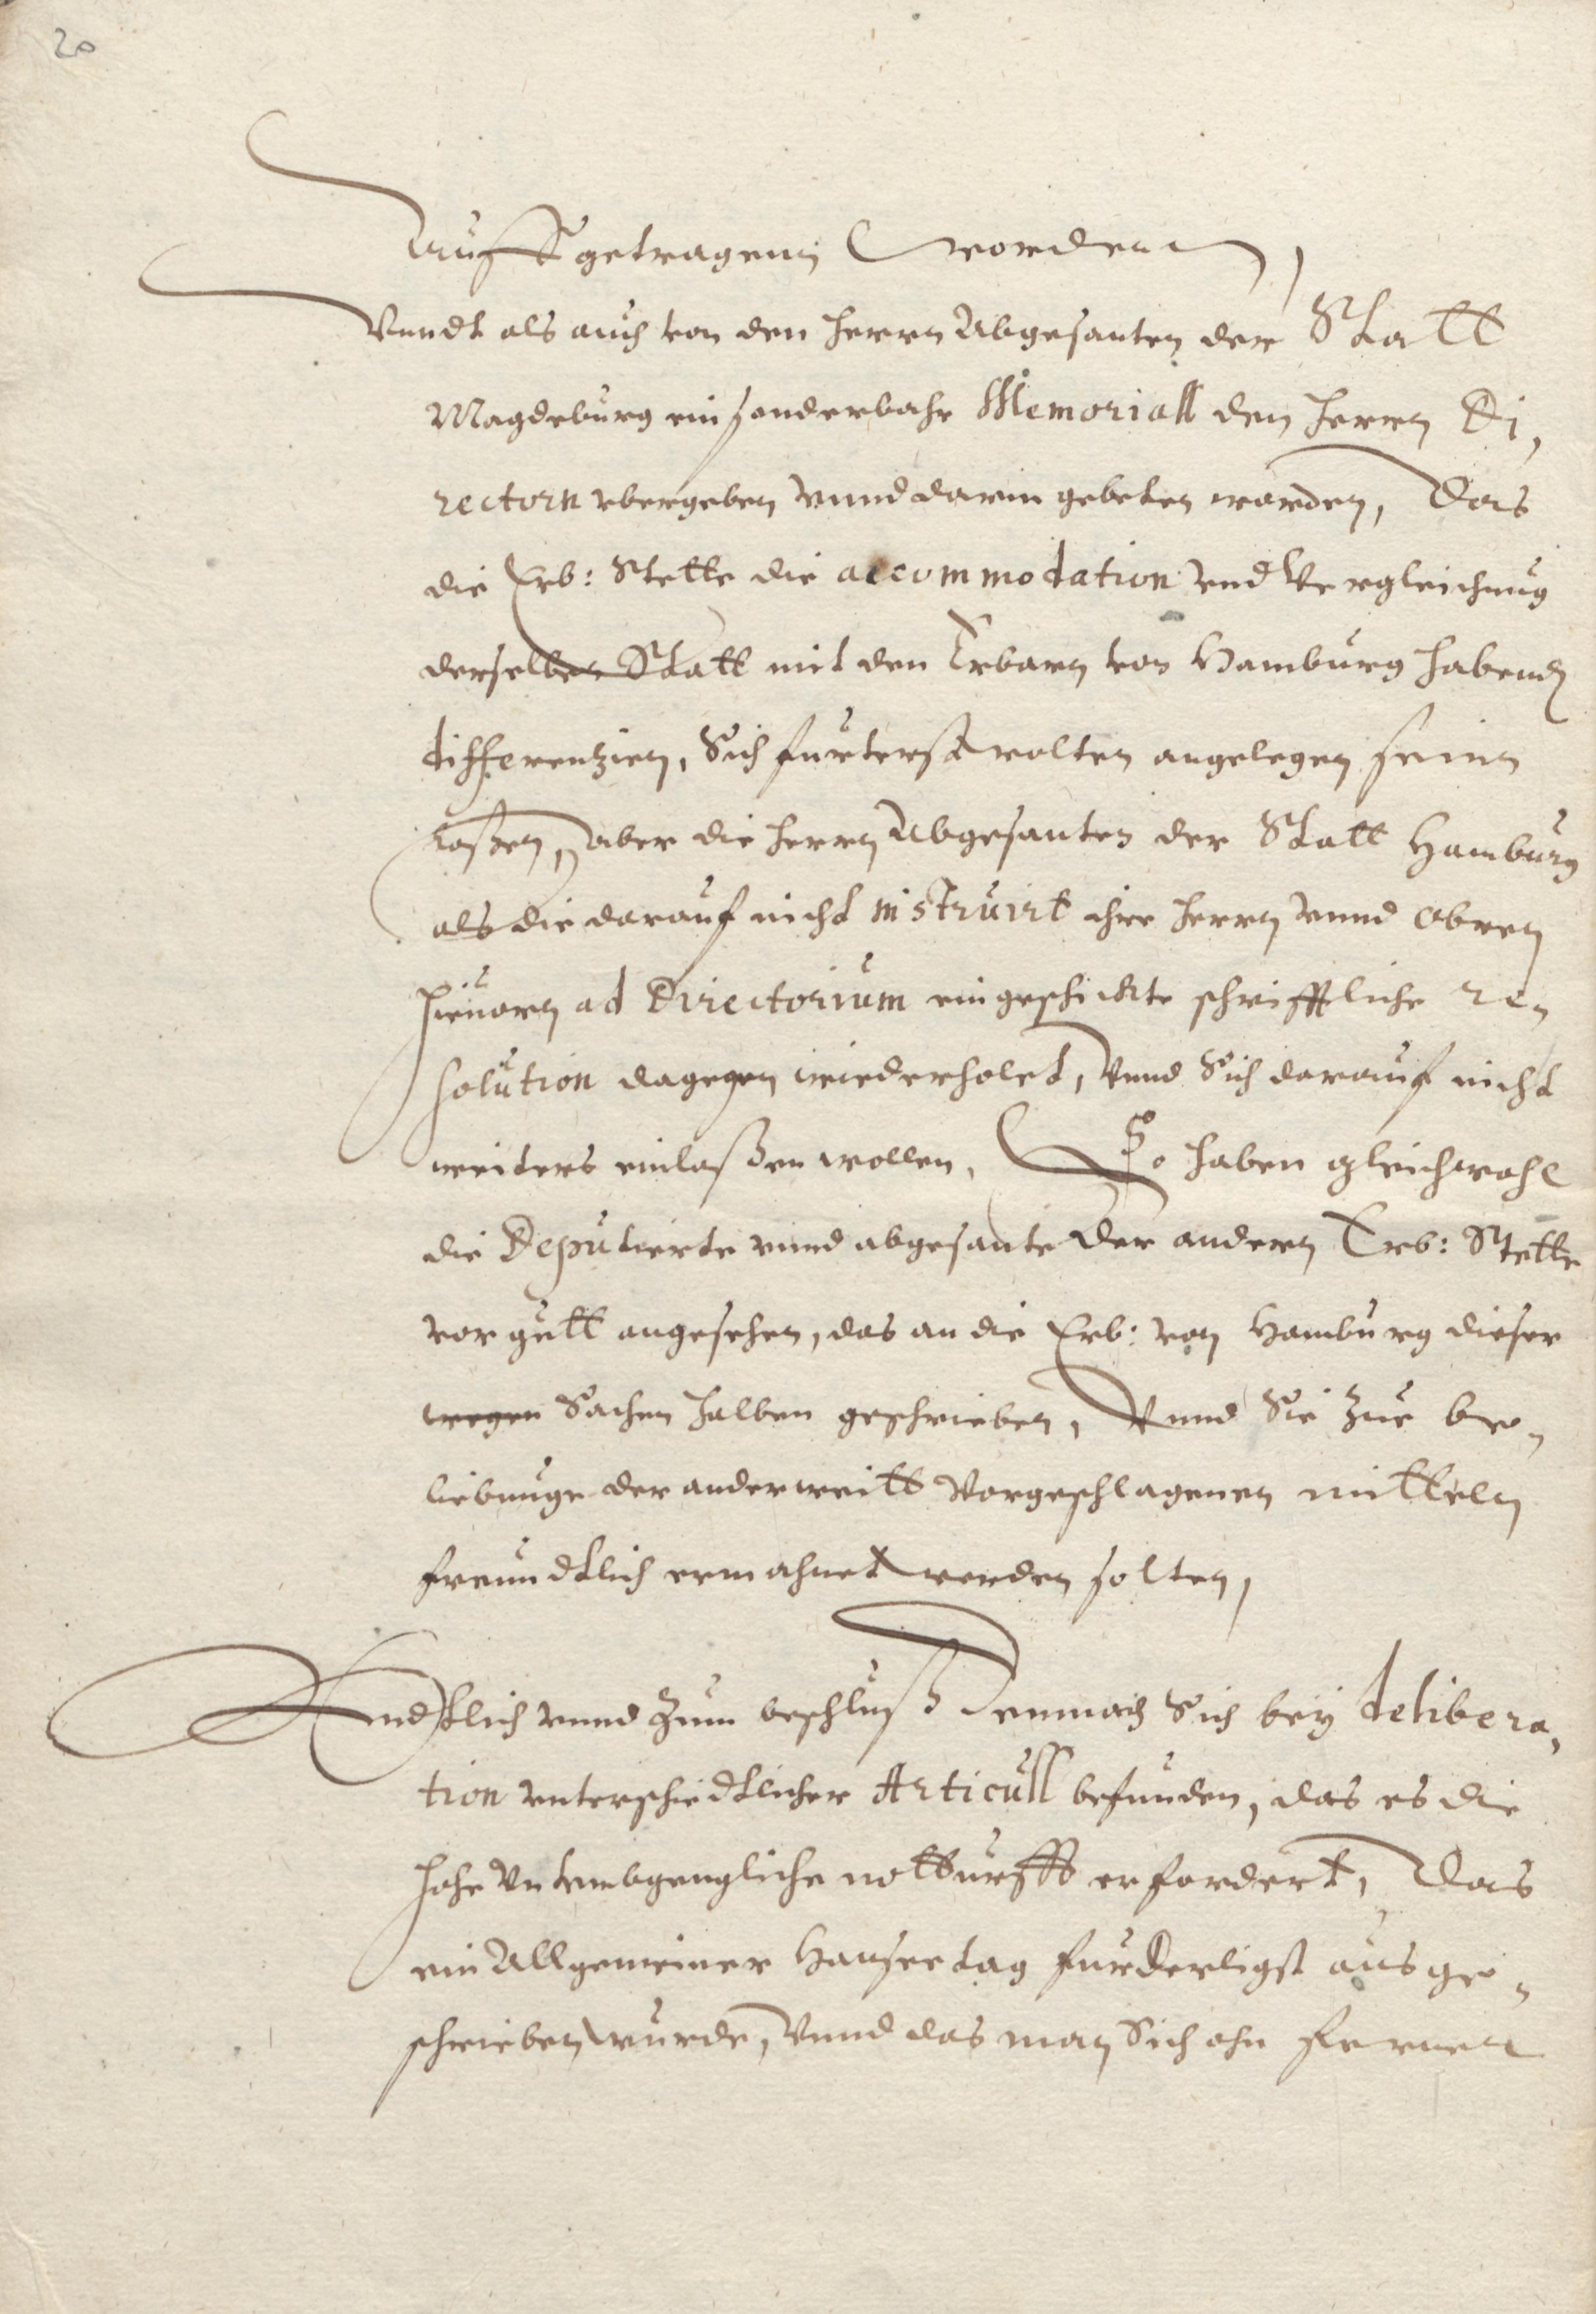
Auff getragen worden,
Vndt als auch von den herrn Abgesanten der Statt
Magdeburg ein sonderbahr Memoriall den herrn Di¬
rectorn vbergeben vnnd darin gebeten worden, Das
die Erb: Stette die accommodation vnd Vergleichung
derselben Statt mit den Erbarn von Hamburg habenden
differentzien, Sich furterst wolten angelegen seinn
laßen, Aber die herrn Abgesandten der Statt Hamburg
als die darauf nicht instruirt ihre herrn vndd Obren
hiruorn ad Directorium eingeschickte schrifttliche re¬
solution dagegen wiederholet, Vnnd sich darauf nicht
weiters einlaßen wollen, So haben gleichwohl
die Deputierte vnnd abgesandte der andern Erb: Stette
vor gutt angesehen, das an die Erb: von Hamburg dieser
wegen Sachen halben geschrieben, Vnnd Sie zue be¬
liebunge der andern weitt vorgeschlagenen mitteln
freundlich ermahnet werden solten,
Endtlich vnnd zum beschluß demnach sich beij delibera¬
tion vnterschiedtlicher Articull befunden, das es die
hohe vnvmbgengliche notturftt erfordert, Das
ein Allgemeiner Hansertag furderligst aus ge¬
schrieben wurde, Vnnd das man Sich ohn ferner
